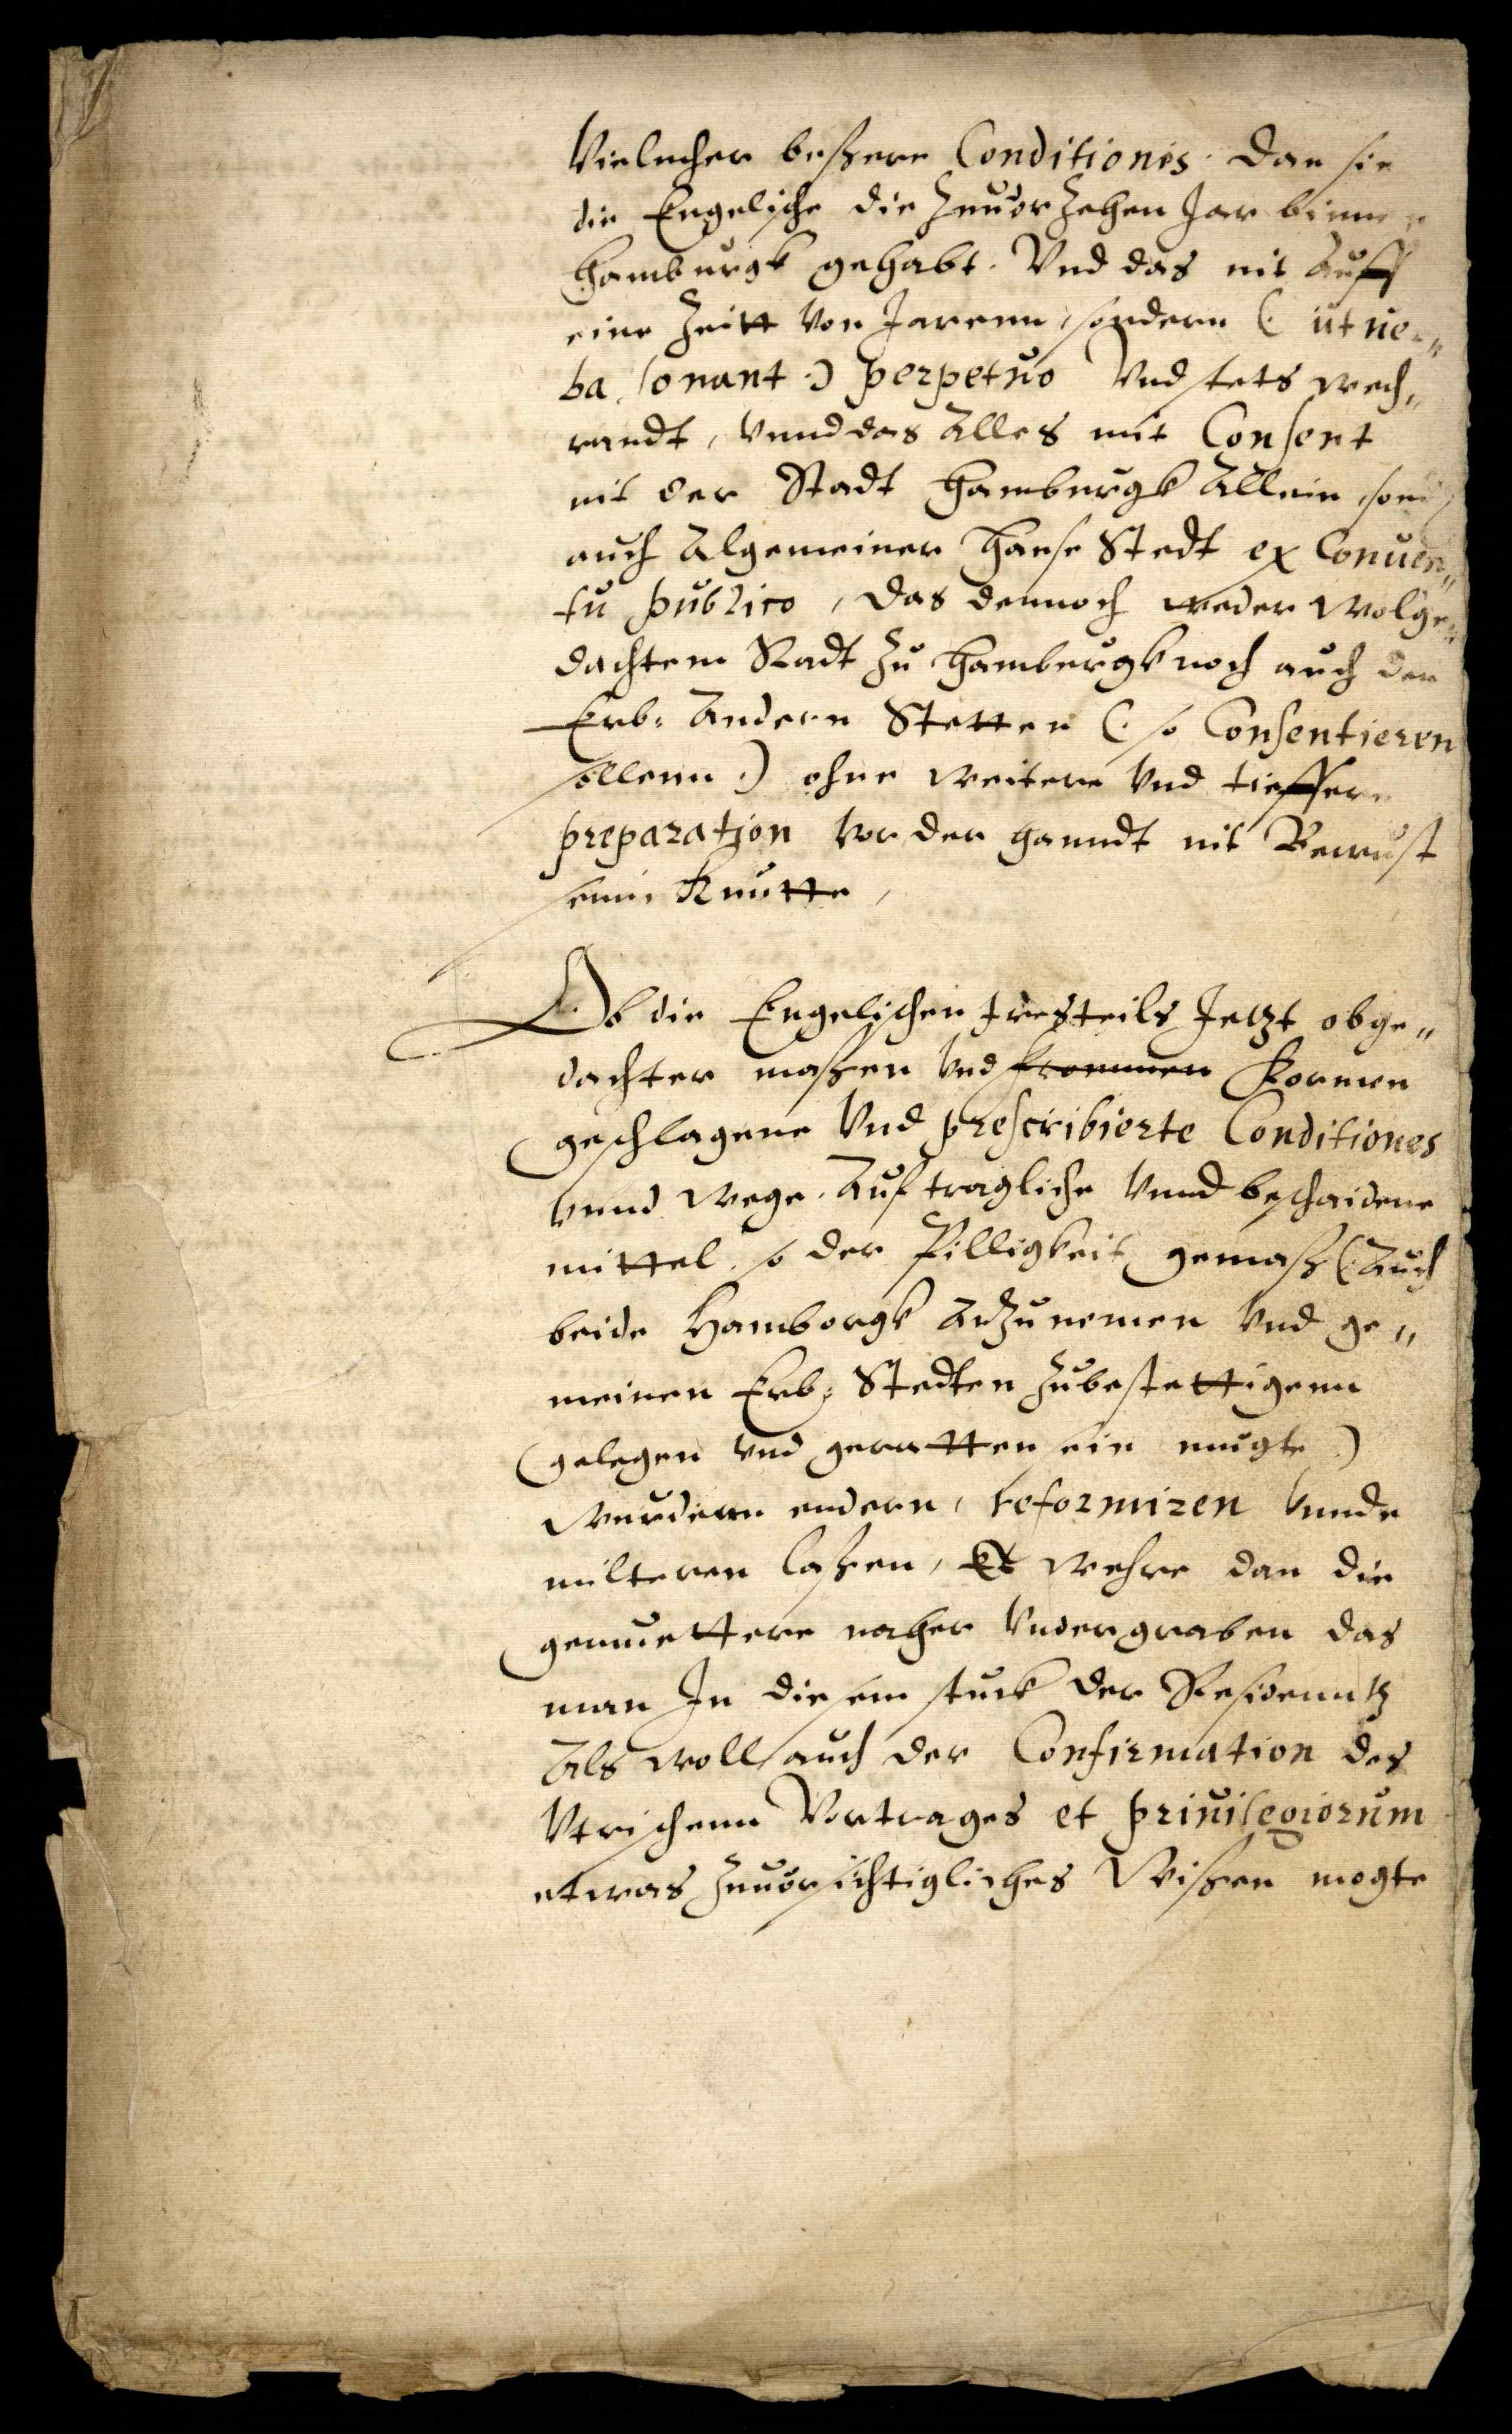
Vielmher beßere Conditiones, dan sie
die Engelische die zuuor zehen Iar binnen
Hamburgk gehabt, Vnd das nit Auff
eine Zeitt von Iarenn, sondern (ut ue¬
ba sonant) perpetuo Vnd stets wech¬
randt, vnnd das Alles mit Consent
nit der Stadt Hamburgk Allein, sonde
auch Algemeinner Hanse Stedt ex Conuen¬
tu publico, das dennoch weder wolge¬
dachtem Radt zu Hamburgk noch auch den
Erb: Andern Stetten (. so Consentieren
sollenn.) ohne Weitere Vnd tieffere
preparation vor der Hanndt nit Bewust
sein Kuntte.
Ob die Englischen Ires teils Jetzt obge¬
dachter maßen vnd frommen Formen
geschlagene Vnd prescribierte Conditiones
vnnd wege, Auf tragliche vnnd bescheidene
mittel, so der Pilligkeit gemaß (Auch
beide Hamborgk Anzunemen vnd ge¬
meinen Erb: Stedten zu bestettigenn
gelegen vnd geratten sein mugte.)
wurden endern, reformiren vnnde
milteren laßen, Es wehre dan die
gemuettere naher vndergraben das
man In diesem stuck der Residenntz
Als woll auch der Confirmation des
Vtrischen Vortrages et priuilegiorum
etwas zuuorsichtliches Wißen mogte
